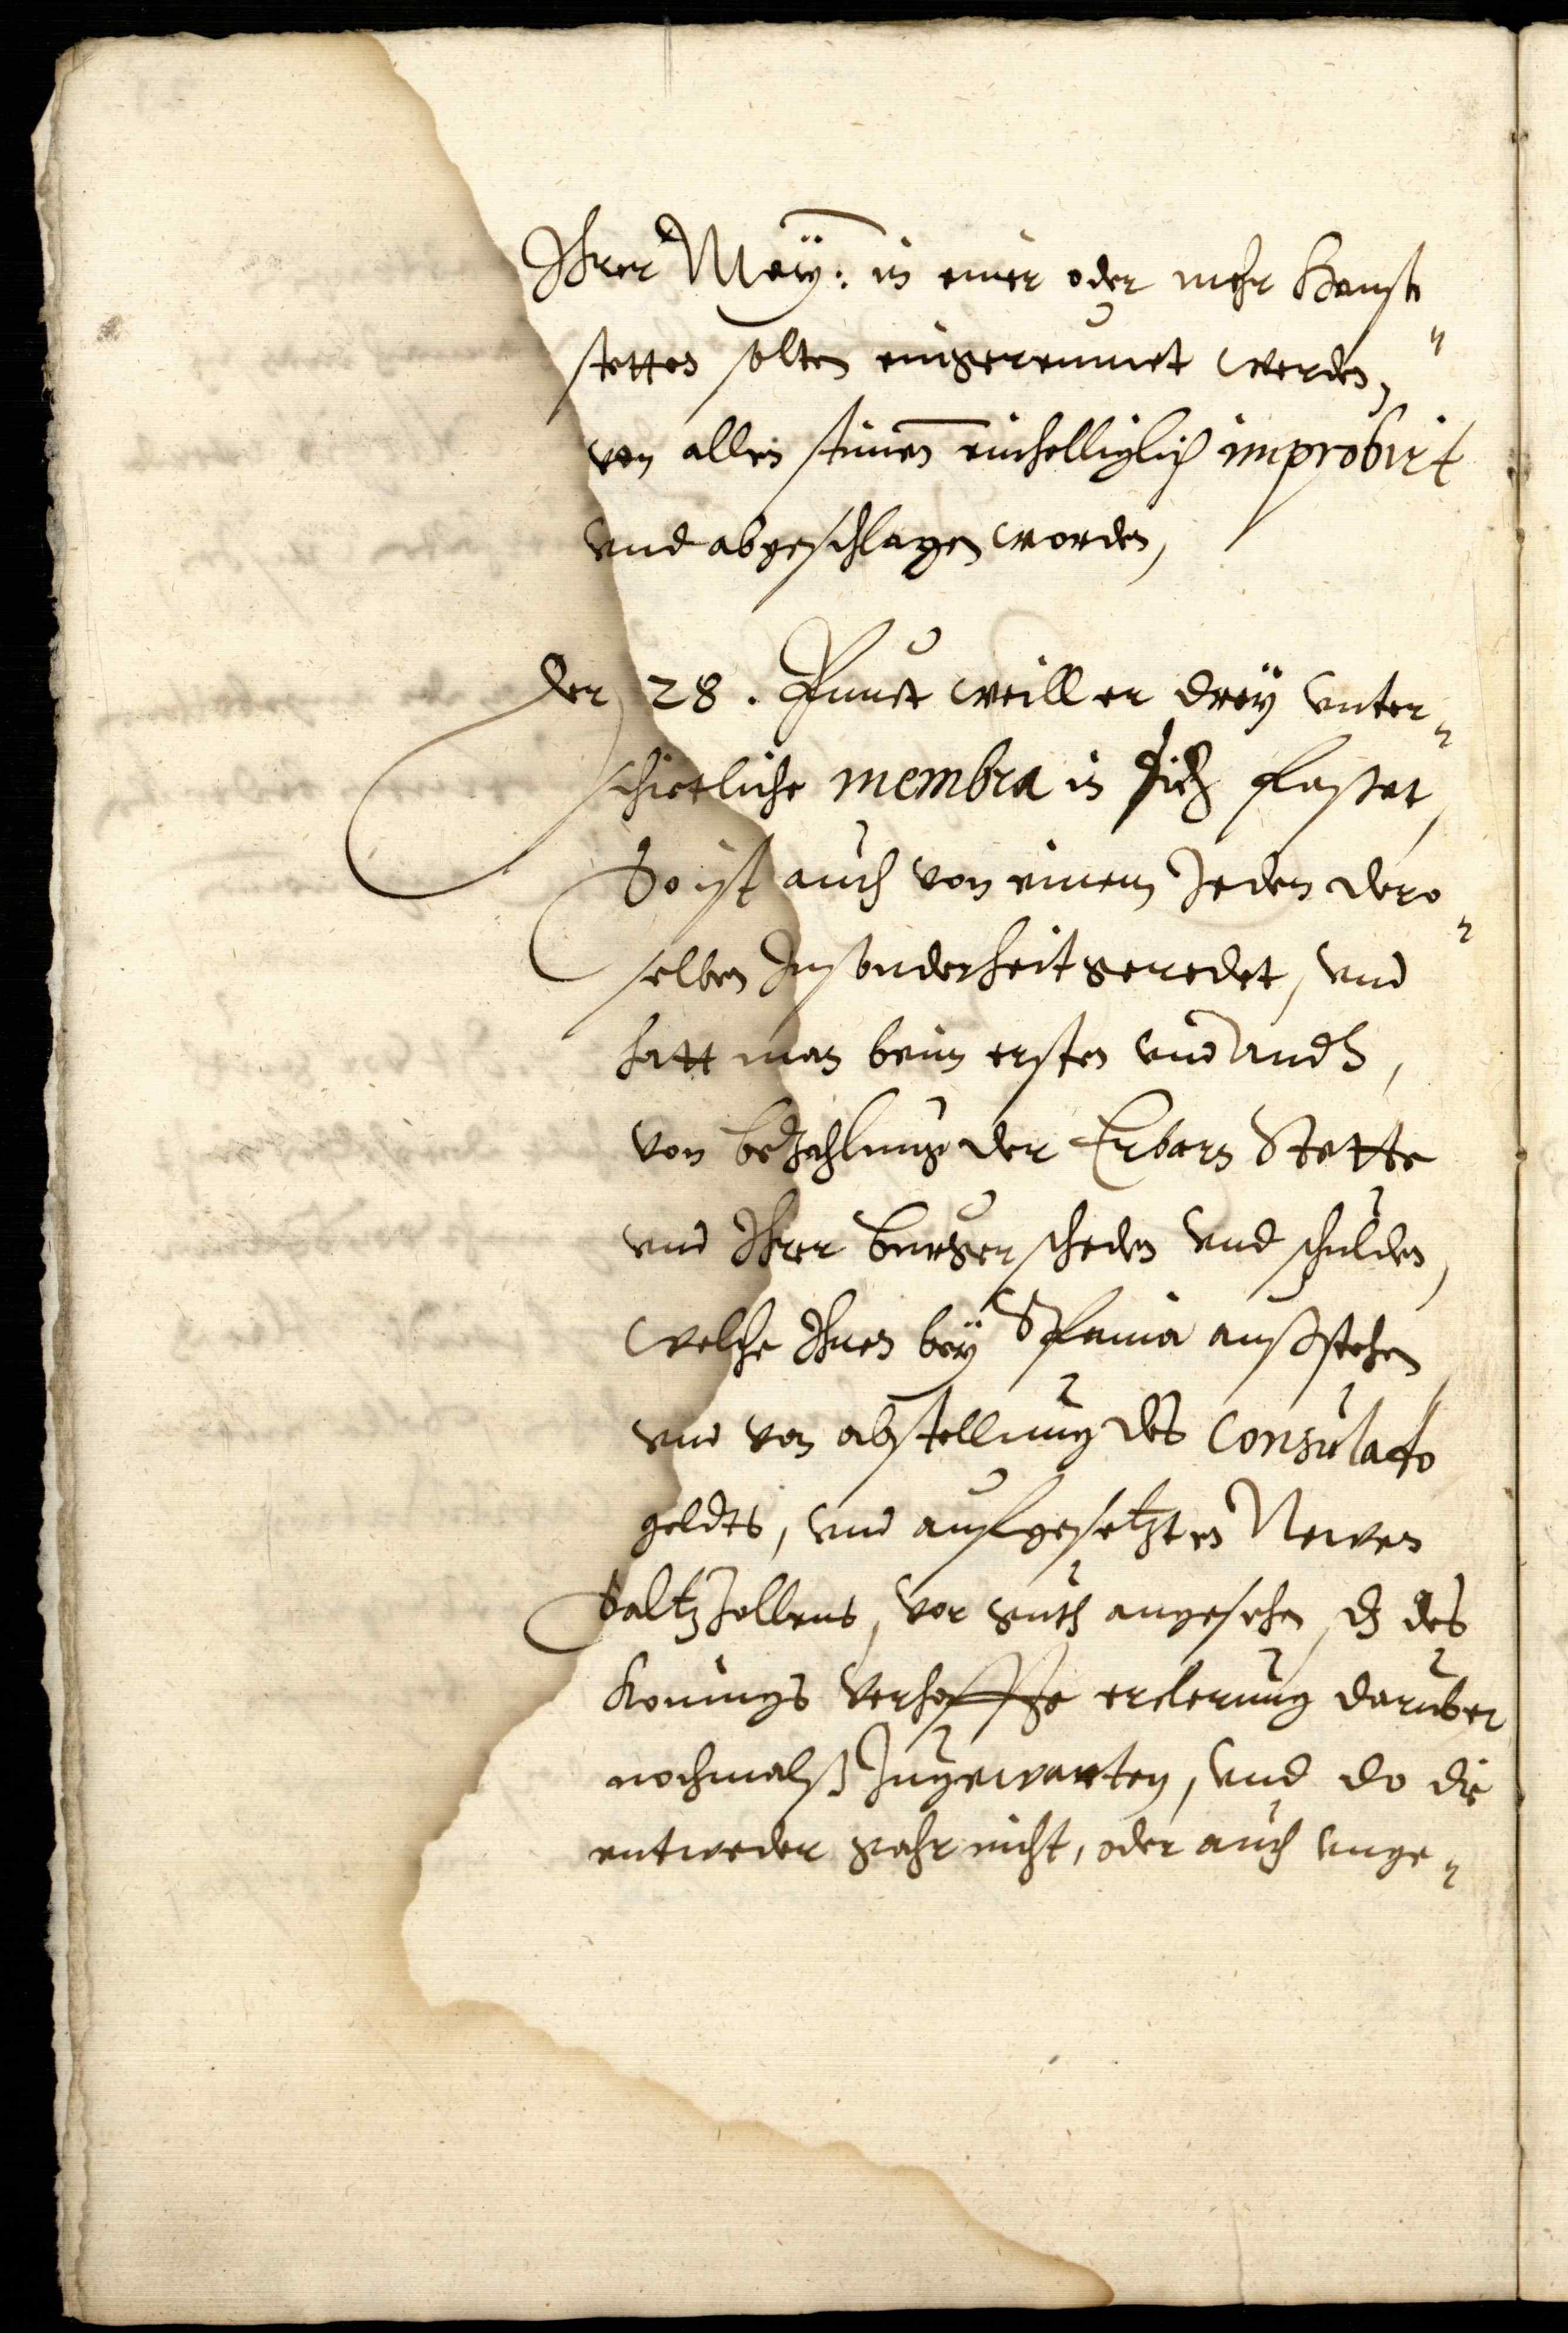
Ihrer Maij: in einer oder mehr Hanse¬
stetten solten eingereumet werden,
vnd abgeschlagen worden,
von allen stunen einhelliglich improbirt
den 28. Punct weill en dreij vnter¬
schietliche membra in sich faßet,
so ist auch von einem jeden dero¬
selben Insonderheit geredet, vnd
hatt man beim ersten vnd andern,
von bezahlung der Erbarn Stette
vnd Ihren burgern scheden vnd schulden,
welche Ihnen beij Spania außstehen,
vnd von abstellung des consulato
geldts, vnd aufgesetzten Newen
Saltzzollens, vor guth angesehen, das des
Konings verhoffte erclerung daruber
nochmalß zugewarten, vnd do die
entweder gahr nicht, oder auch vnge¬
